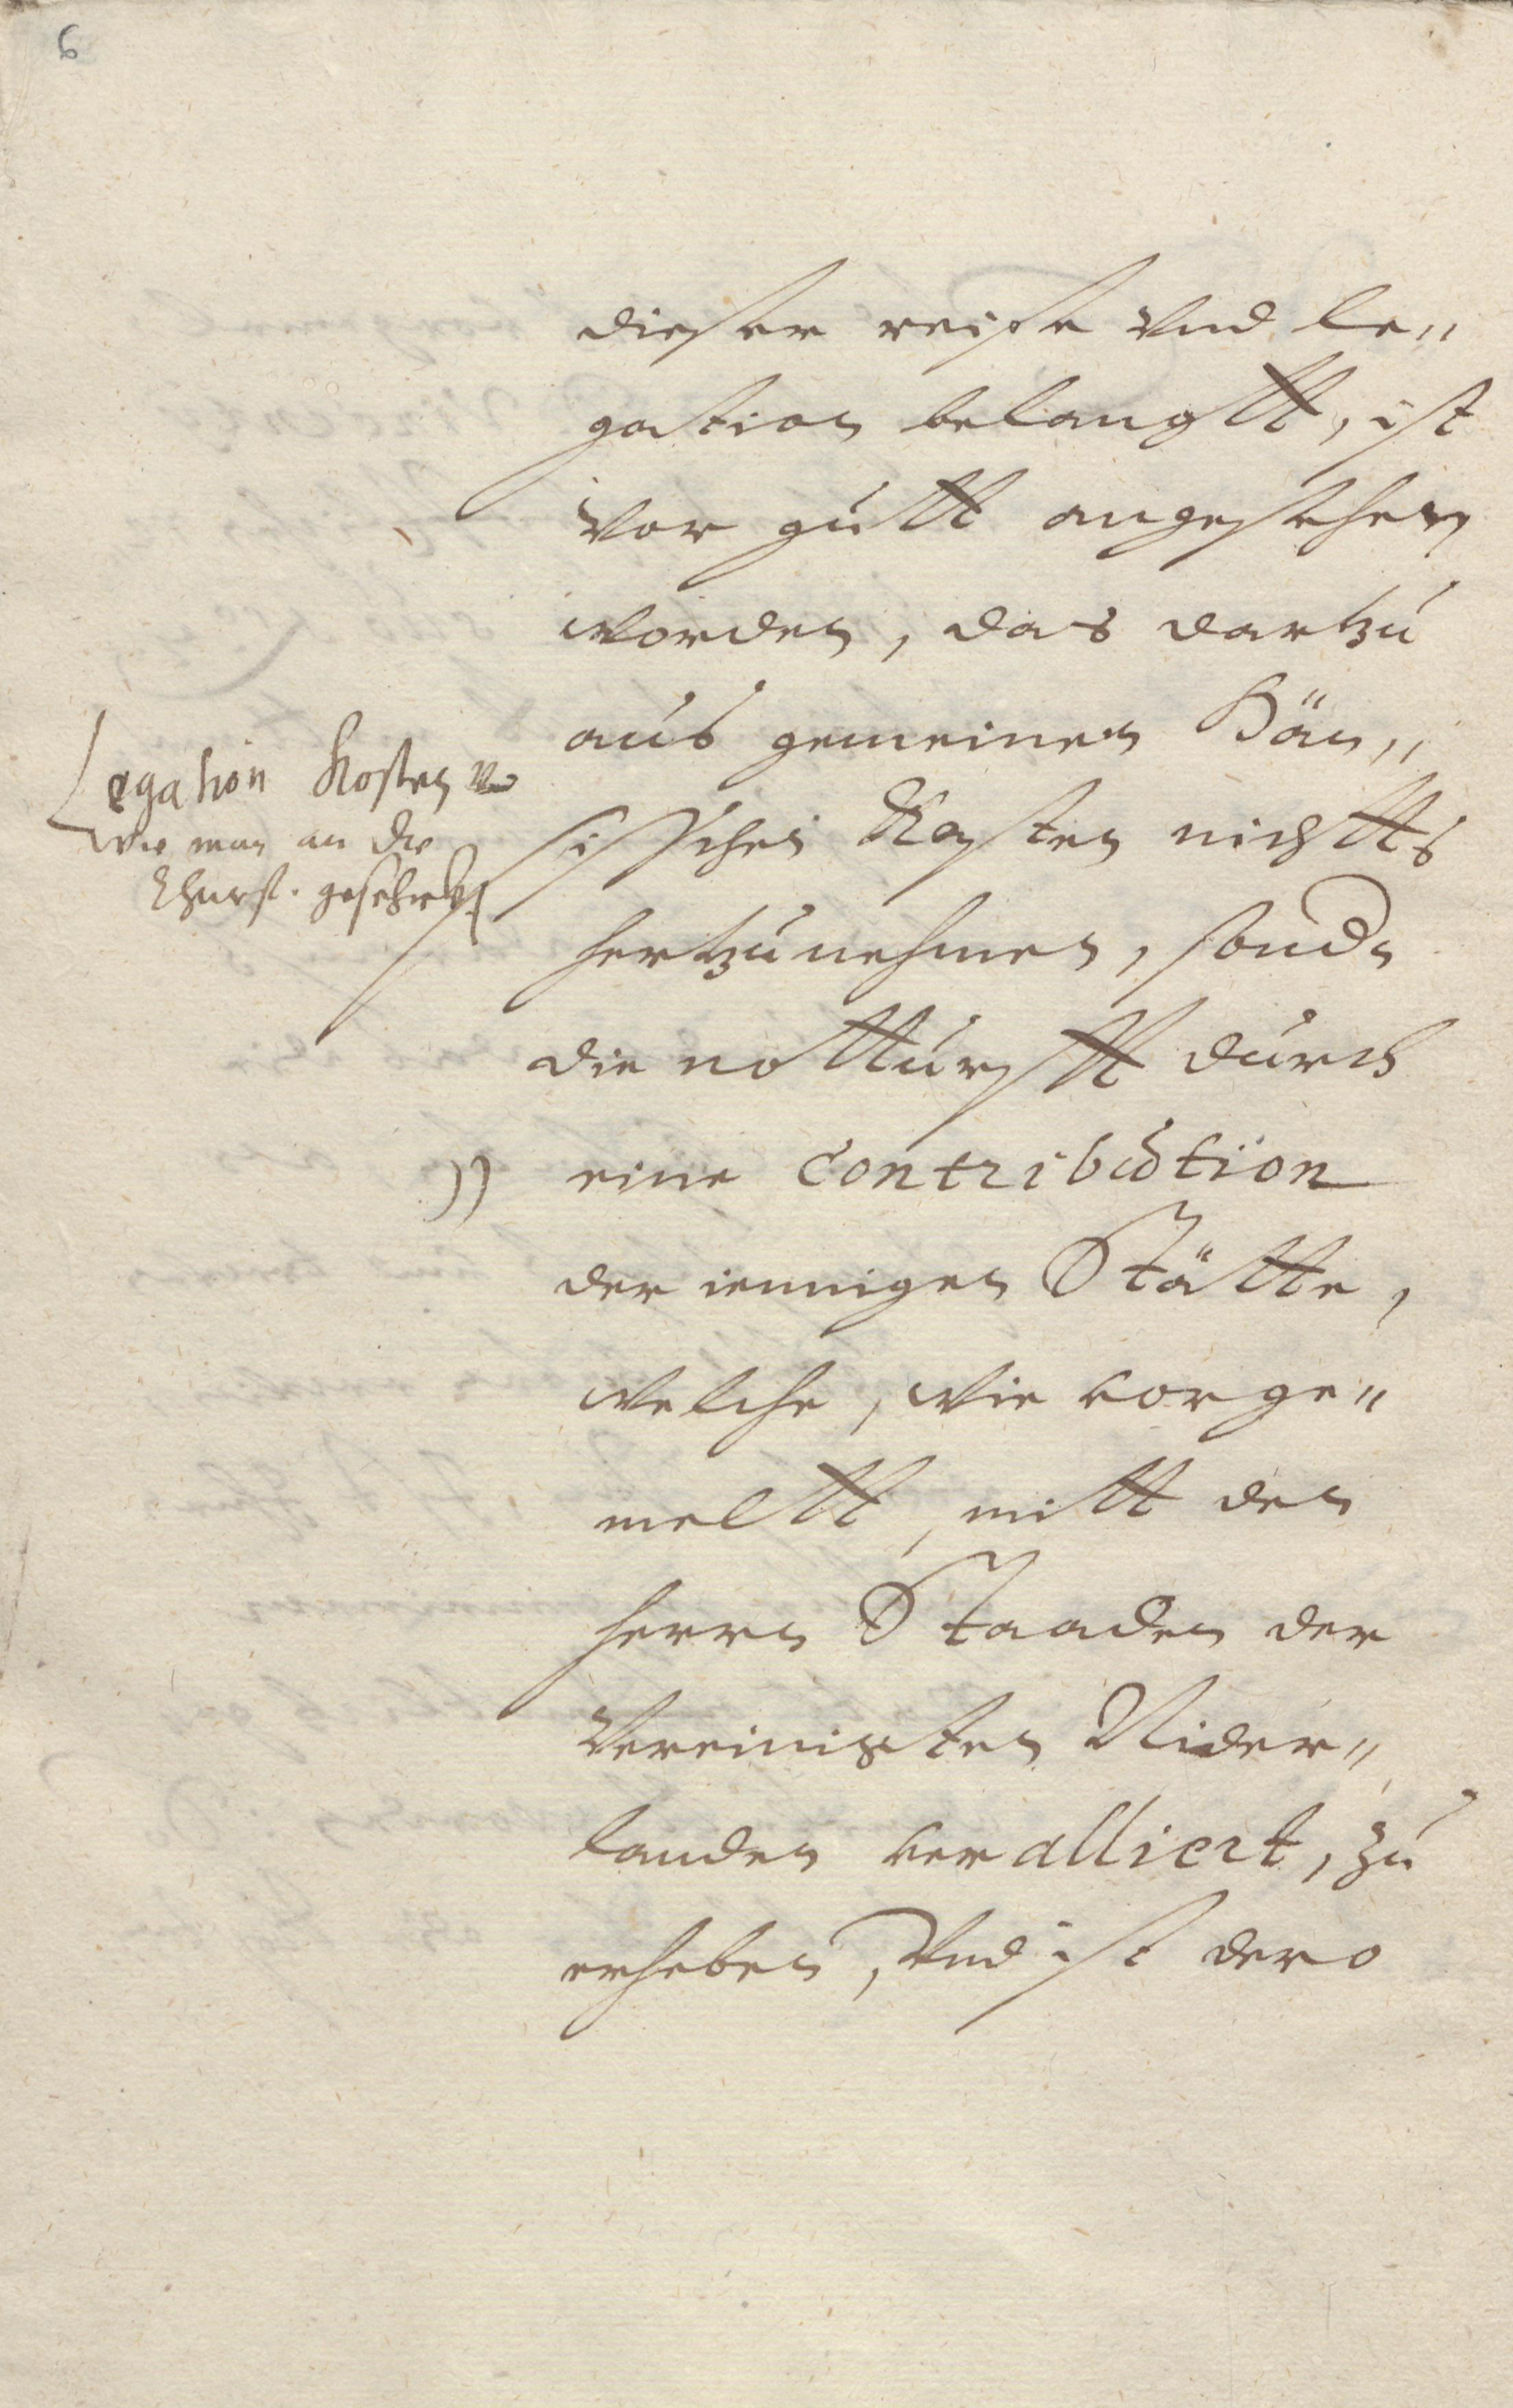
dieser reise vnd le¬
gation belangtt, ist
vor gutt angesehen,
worden, das dartzu
aus gemeinen Hän¬
sischen Kosten nichtts
hertzunehmen, sondern
die notturfft durch
eine contribution
der iennigen Stätte,
welche, wie vorge¬
meltt, mitt den
herrn Staaden der
Vereinigten Nieder¬
landen veralliert, zu
erheben, Vnd ist dero
Legation Kosten vnd
Wie man an die
Churf. geschickt
